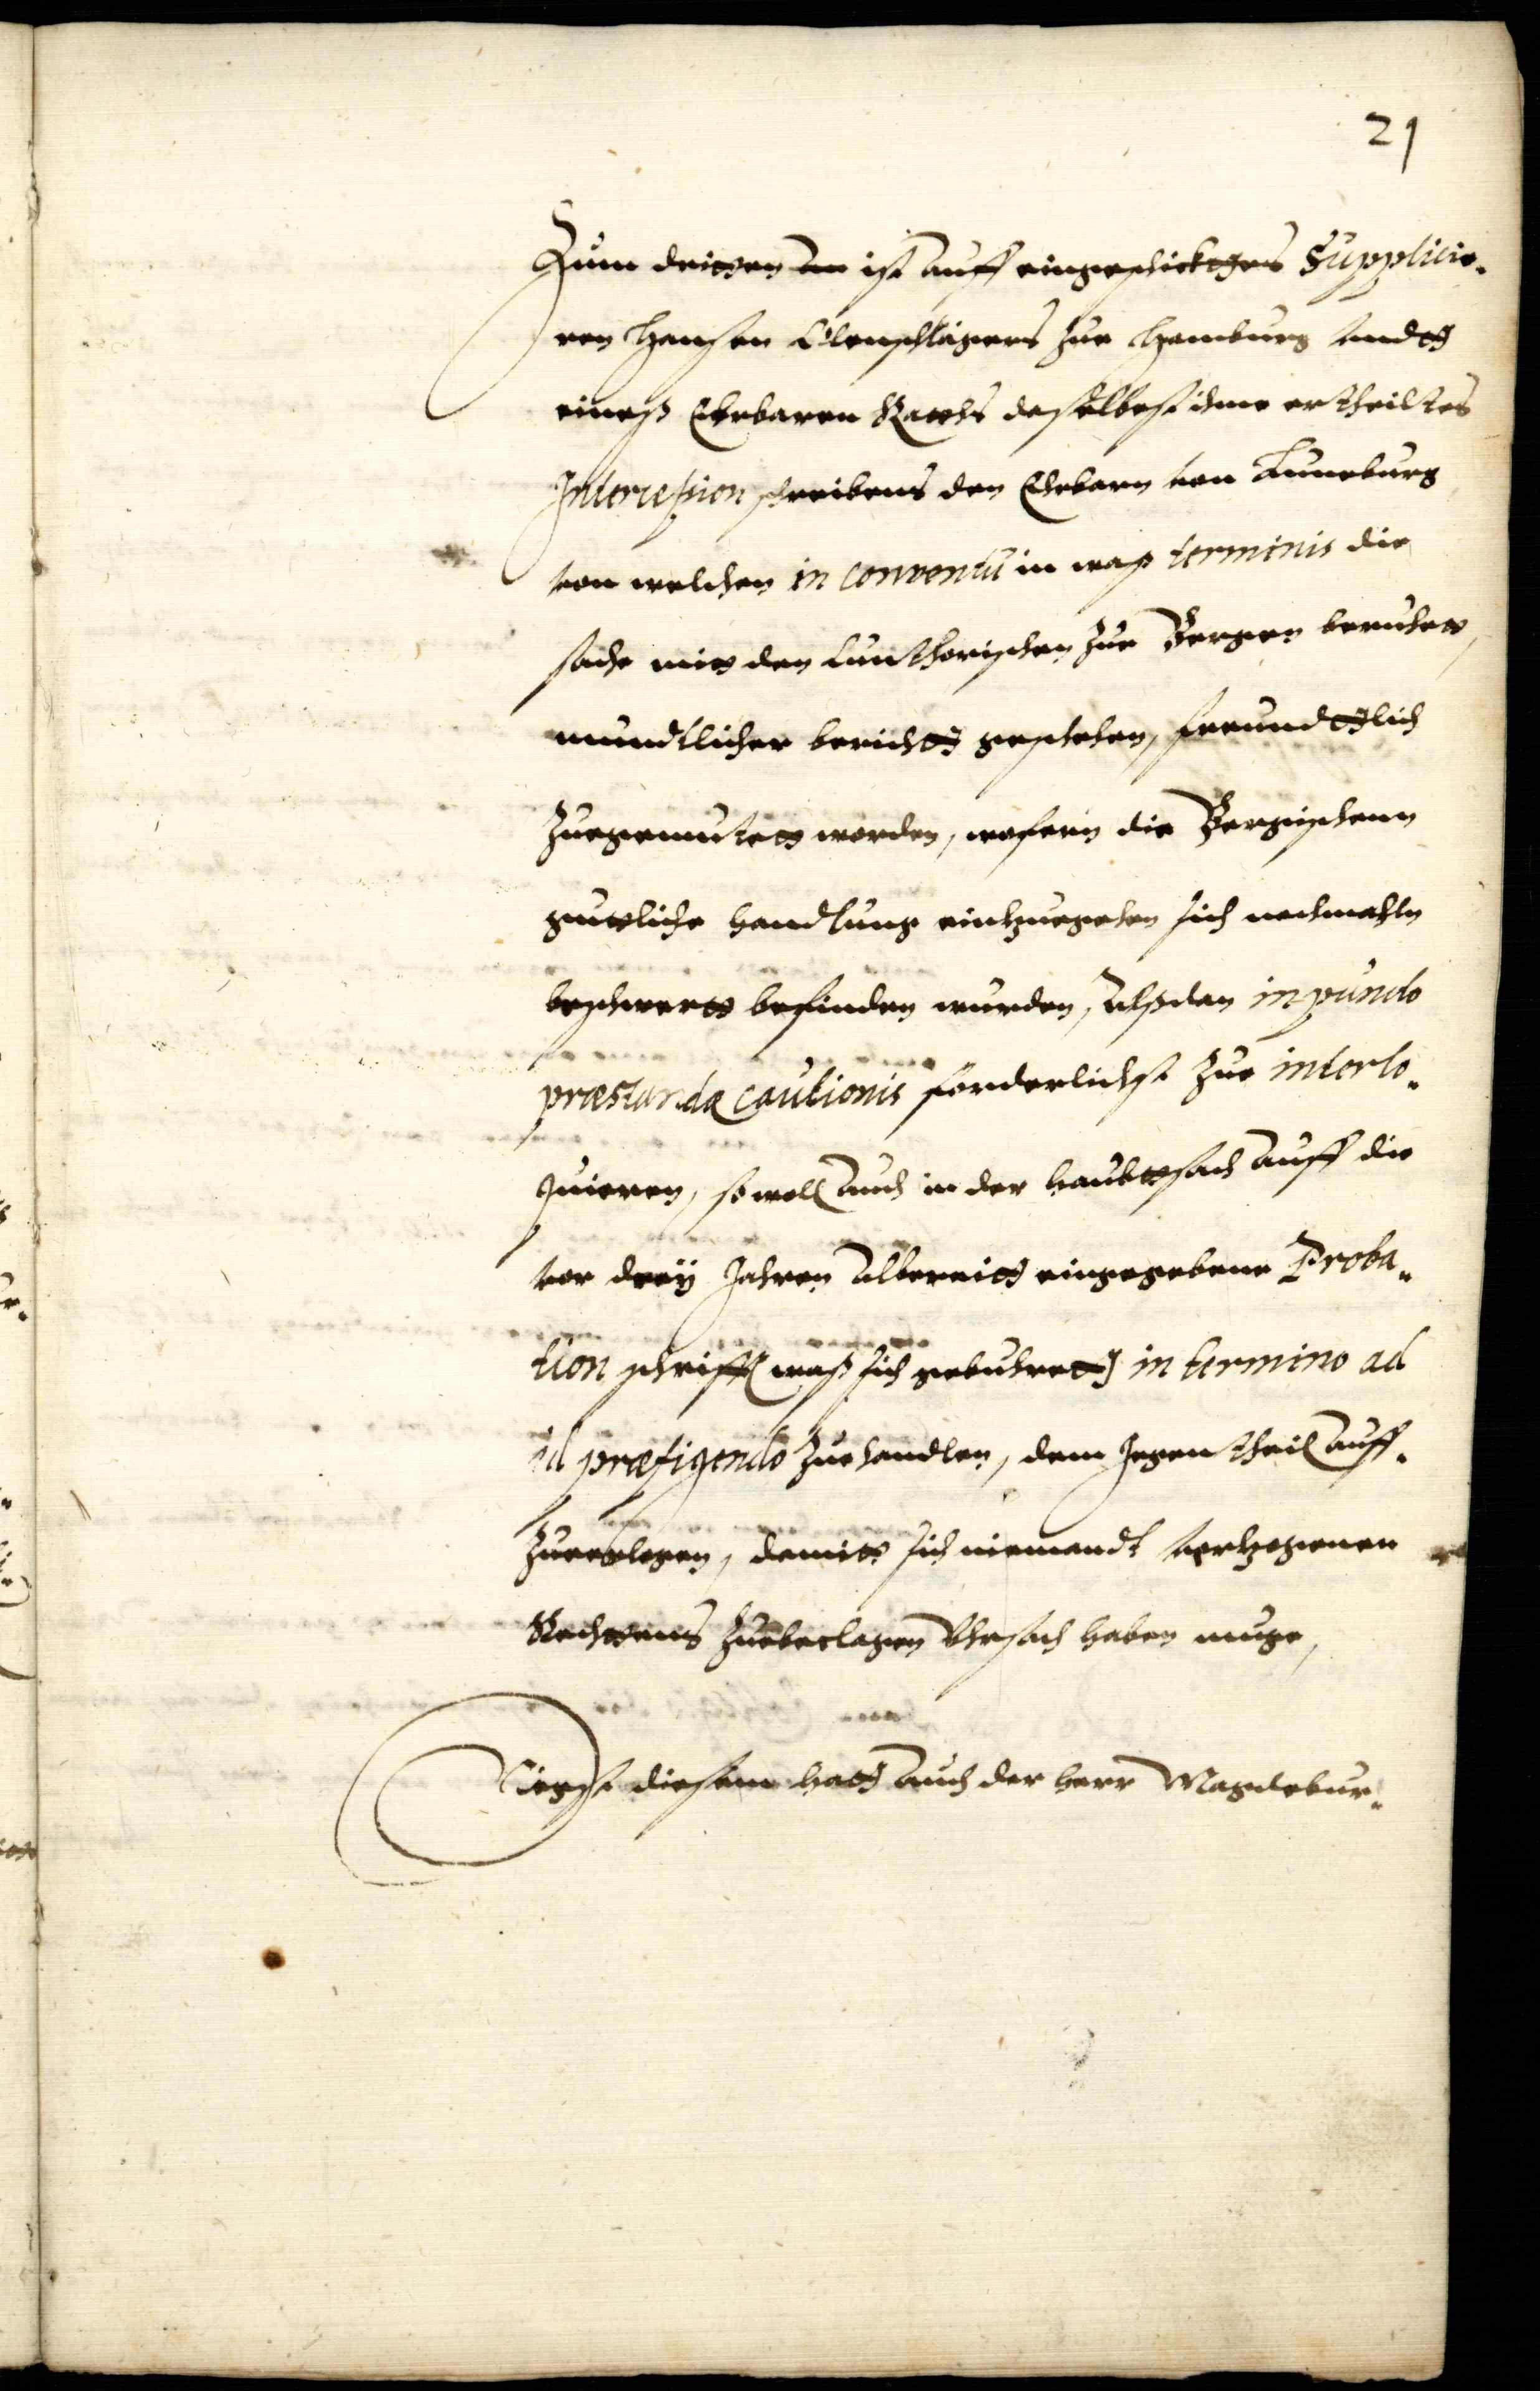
21
Zum dritten an ist Auff eingeschickttes supplicie¬
ren Hansen Olenschlägers zue Hamburg vndtt
eineß Ehrbaren Ratths daselbest ihme ertheiltes
Intercession schreibens den Ehrbarn von Luneburg
von welchen in conventu in waß terminis die
sache mitt den Cunthorischen zue Bergen beruhrtt,
mundtlicher berichtt geschehen, freundttlich
zuegemutett worden, wofern die Bergischenn
guttliche handlung eintzugehen sich nochmahln
beschwertt befinden wurden, Alßdan in puncto
praestanda cautionis forderlichst zue interlo¬
quieren, so woll Auch in der haubttsach Auff die
vor dreij Jahren Albereitt eingegebene Proba¬
tion schrifft waß sich gebuhrett in termino ad
id praefigendo zuehandlen, dem Jegentheil Auff¬
zueerlegen, damitt sich niemandt vertzogenen
Rechttens zuebeclagen Vhrsach haben muge,
Negst diesem hatt Auch der herr Magdebur¬
